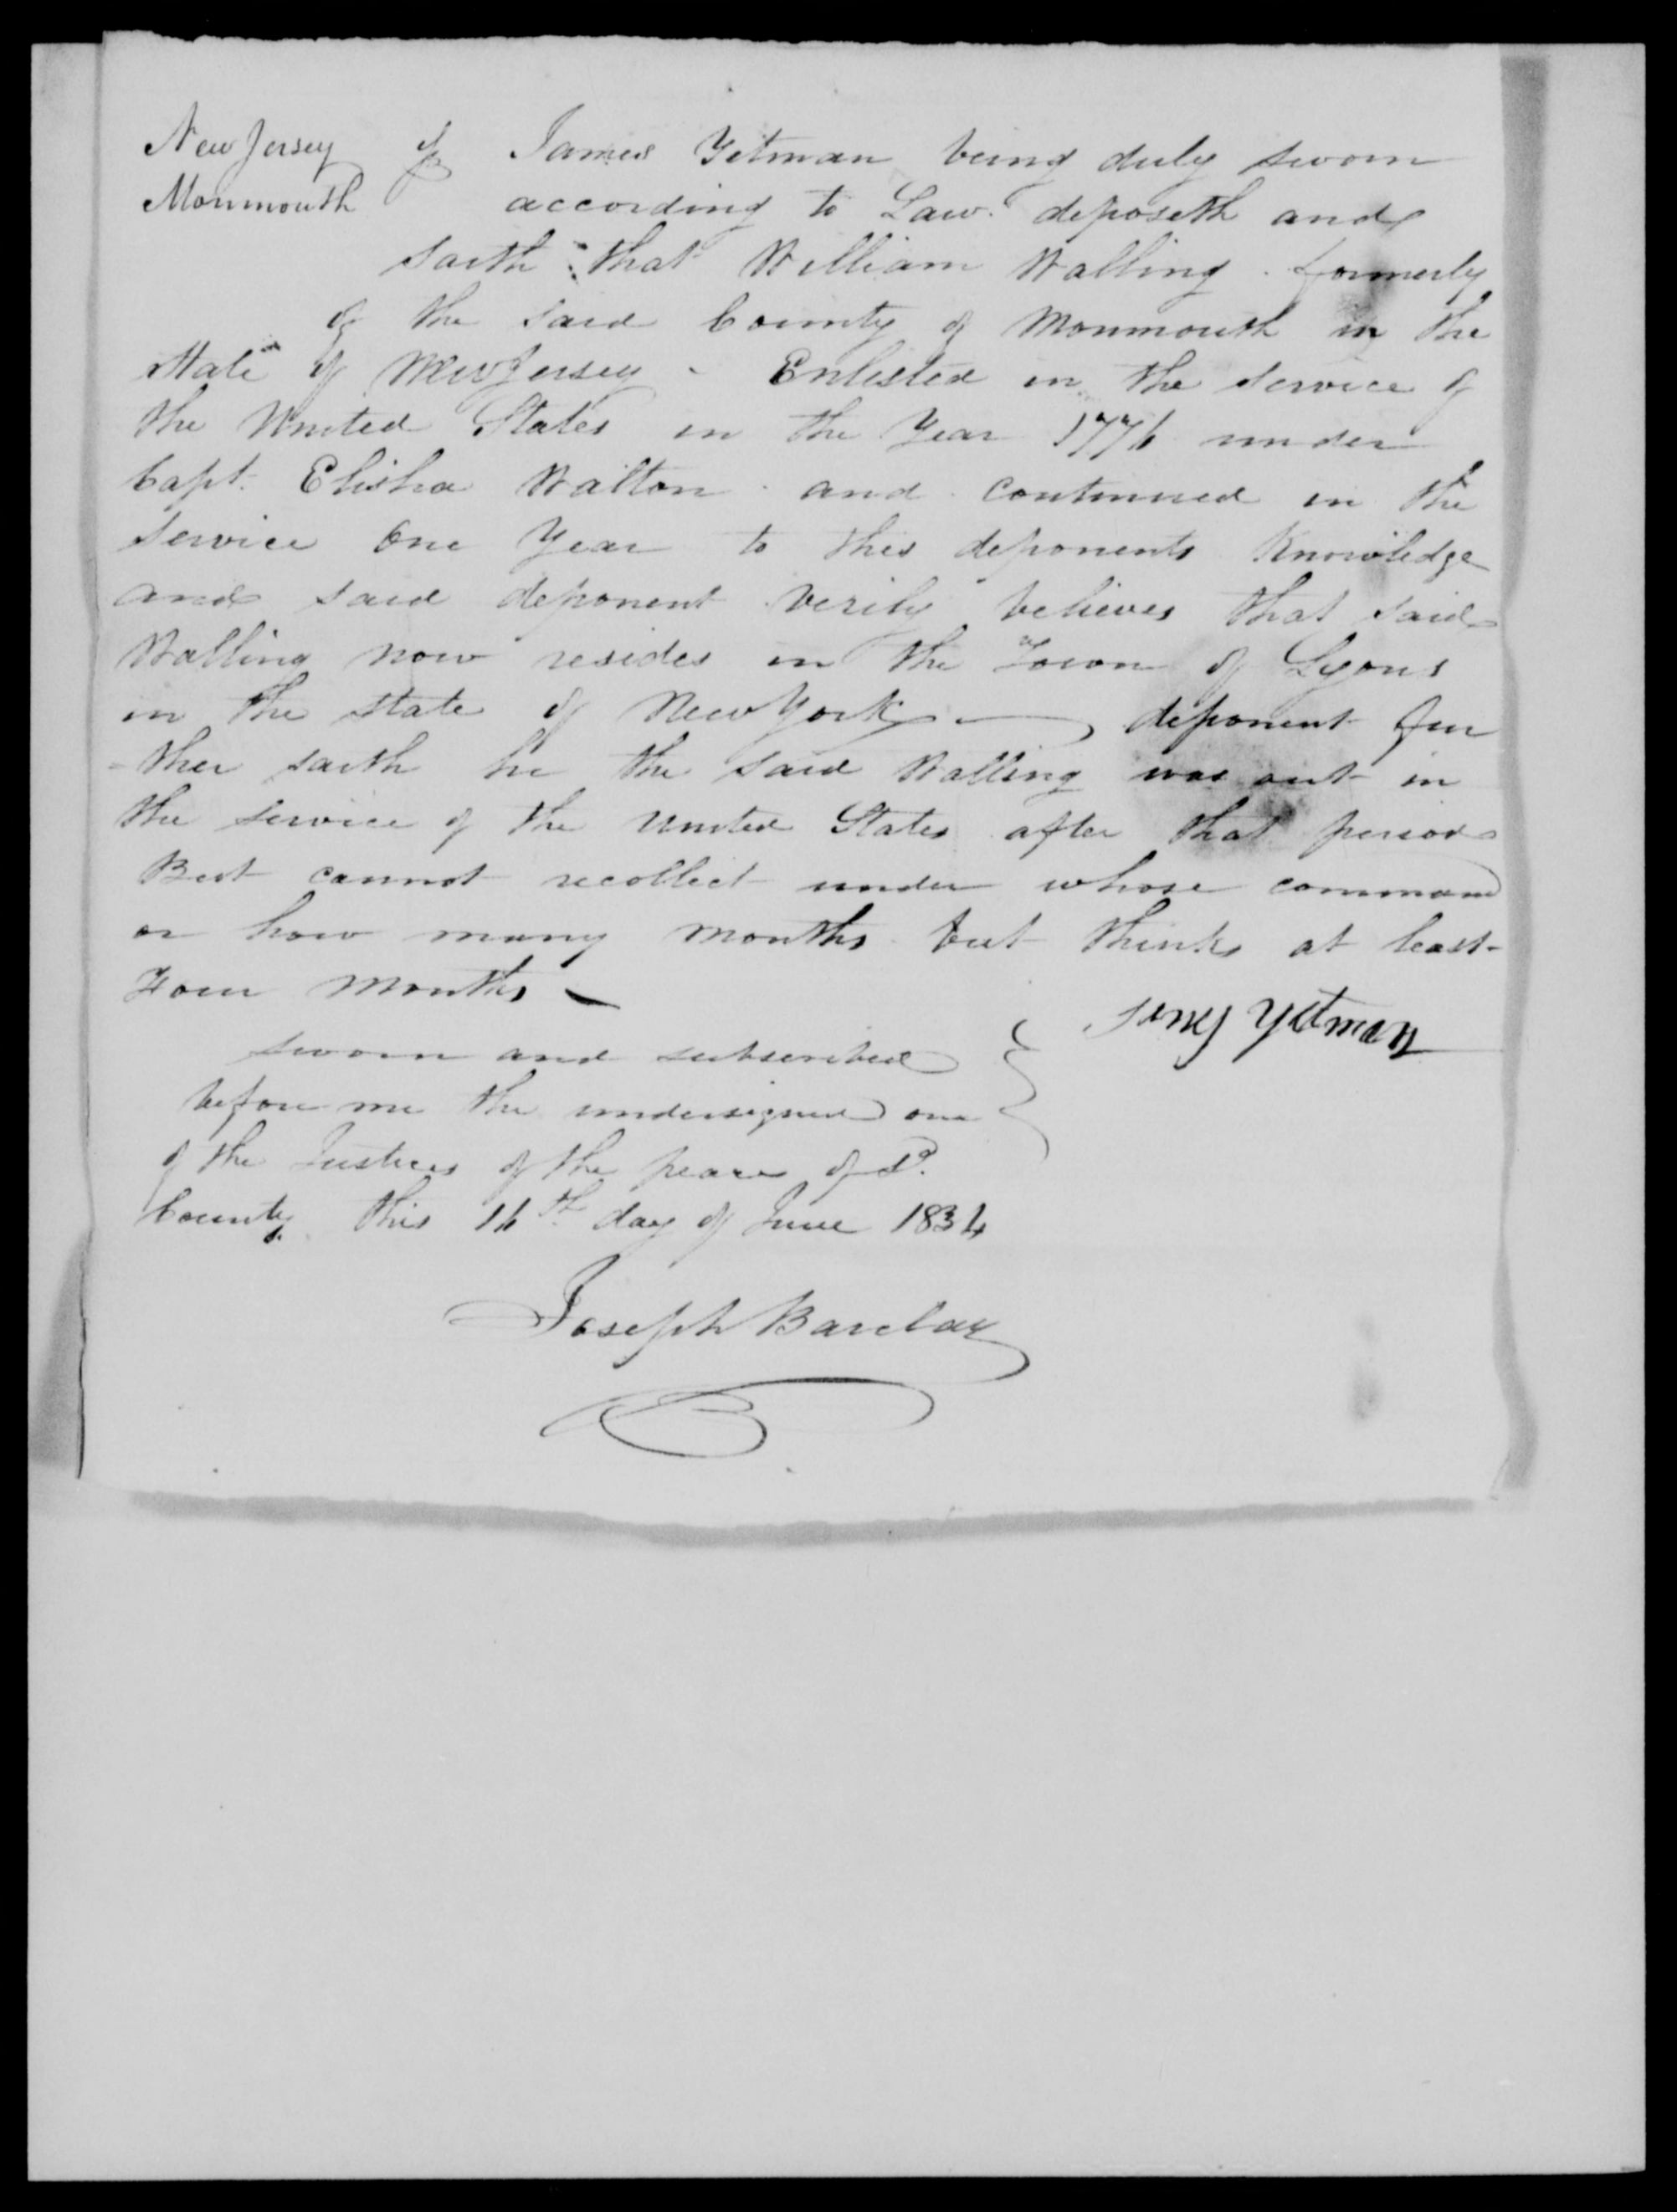Ner Jersey Monmouth
James Yetman being duly sworn according to Law deposeth and saith that William Walling formerly of the said County of Monmouth in the State of New Jersey enlisted in the service of the United States in the year 1776 under Capt. Elisha Walton and continued in the service one year to this deponent's knowledge and said deponent verily believes that said Walling now resides in the town of Lyons in the state of New York - deponent further saith he thinks said Walling was (illegible) in the service of the United States after that period but cannot recollect under whose command or how many months but thinks at least four months James Yetman
Sworn and subscribed before me the undesigned one of the Justices of the Peace of said County this 11th day of June 1834, Joseph Barclay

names: James Yetman, Walling, Walling, Joseph Barclay, William Walling, Elisha Walton, James Yetman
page: 27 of 66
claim: widow's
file: W. 19588, William Walling, New Jersey